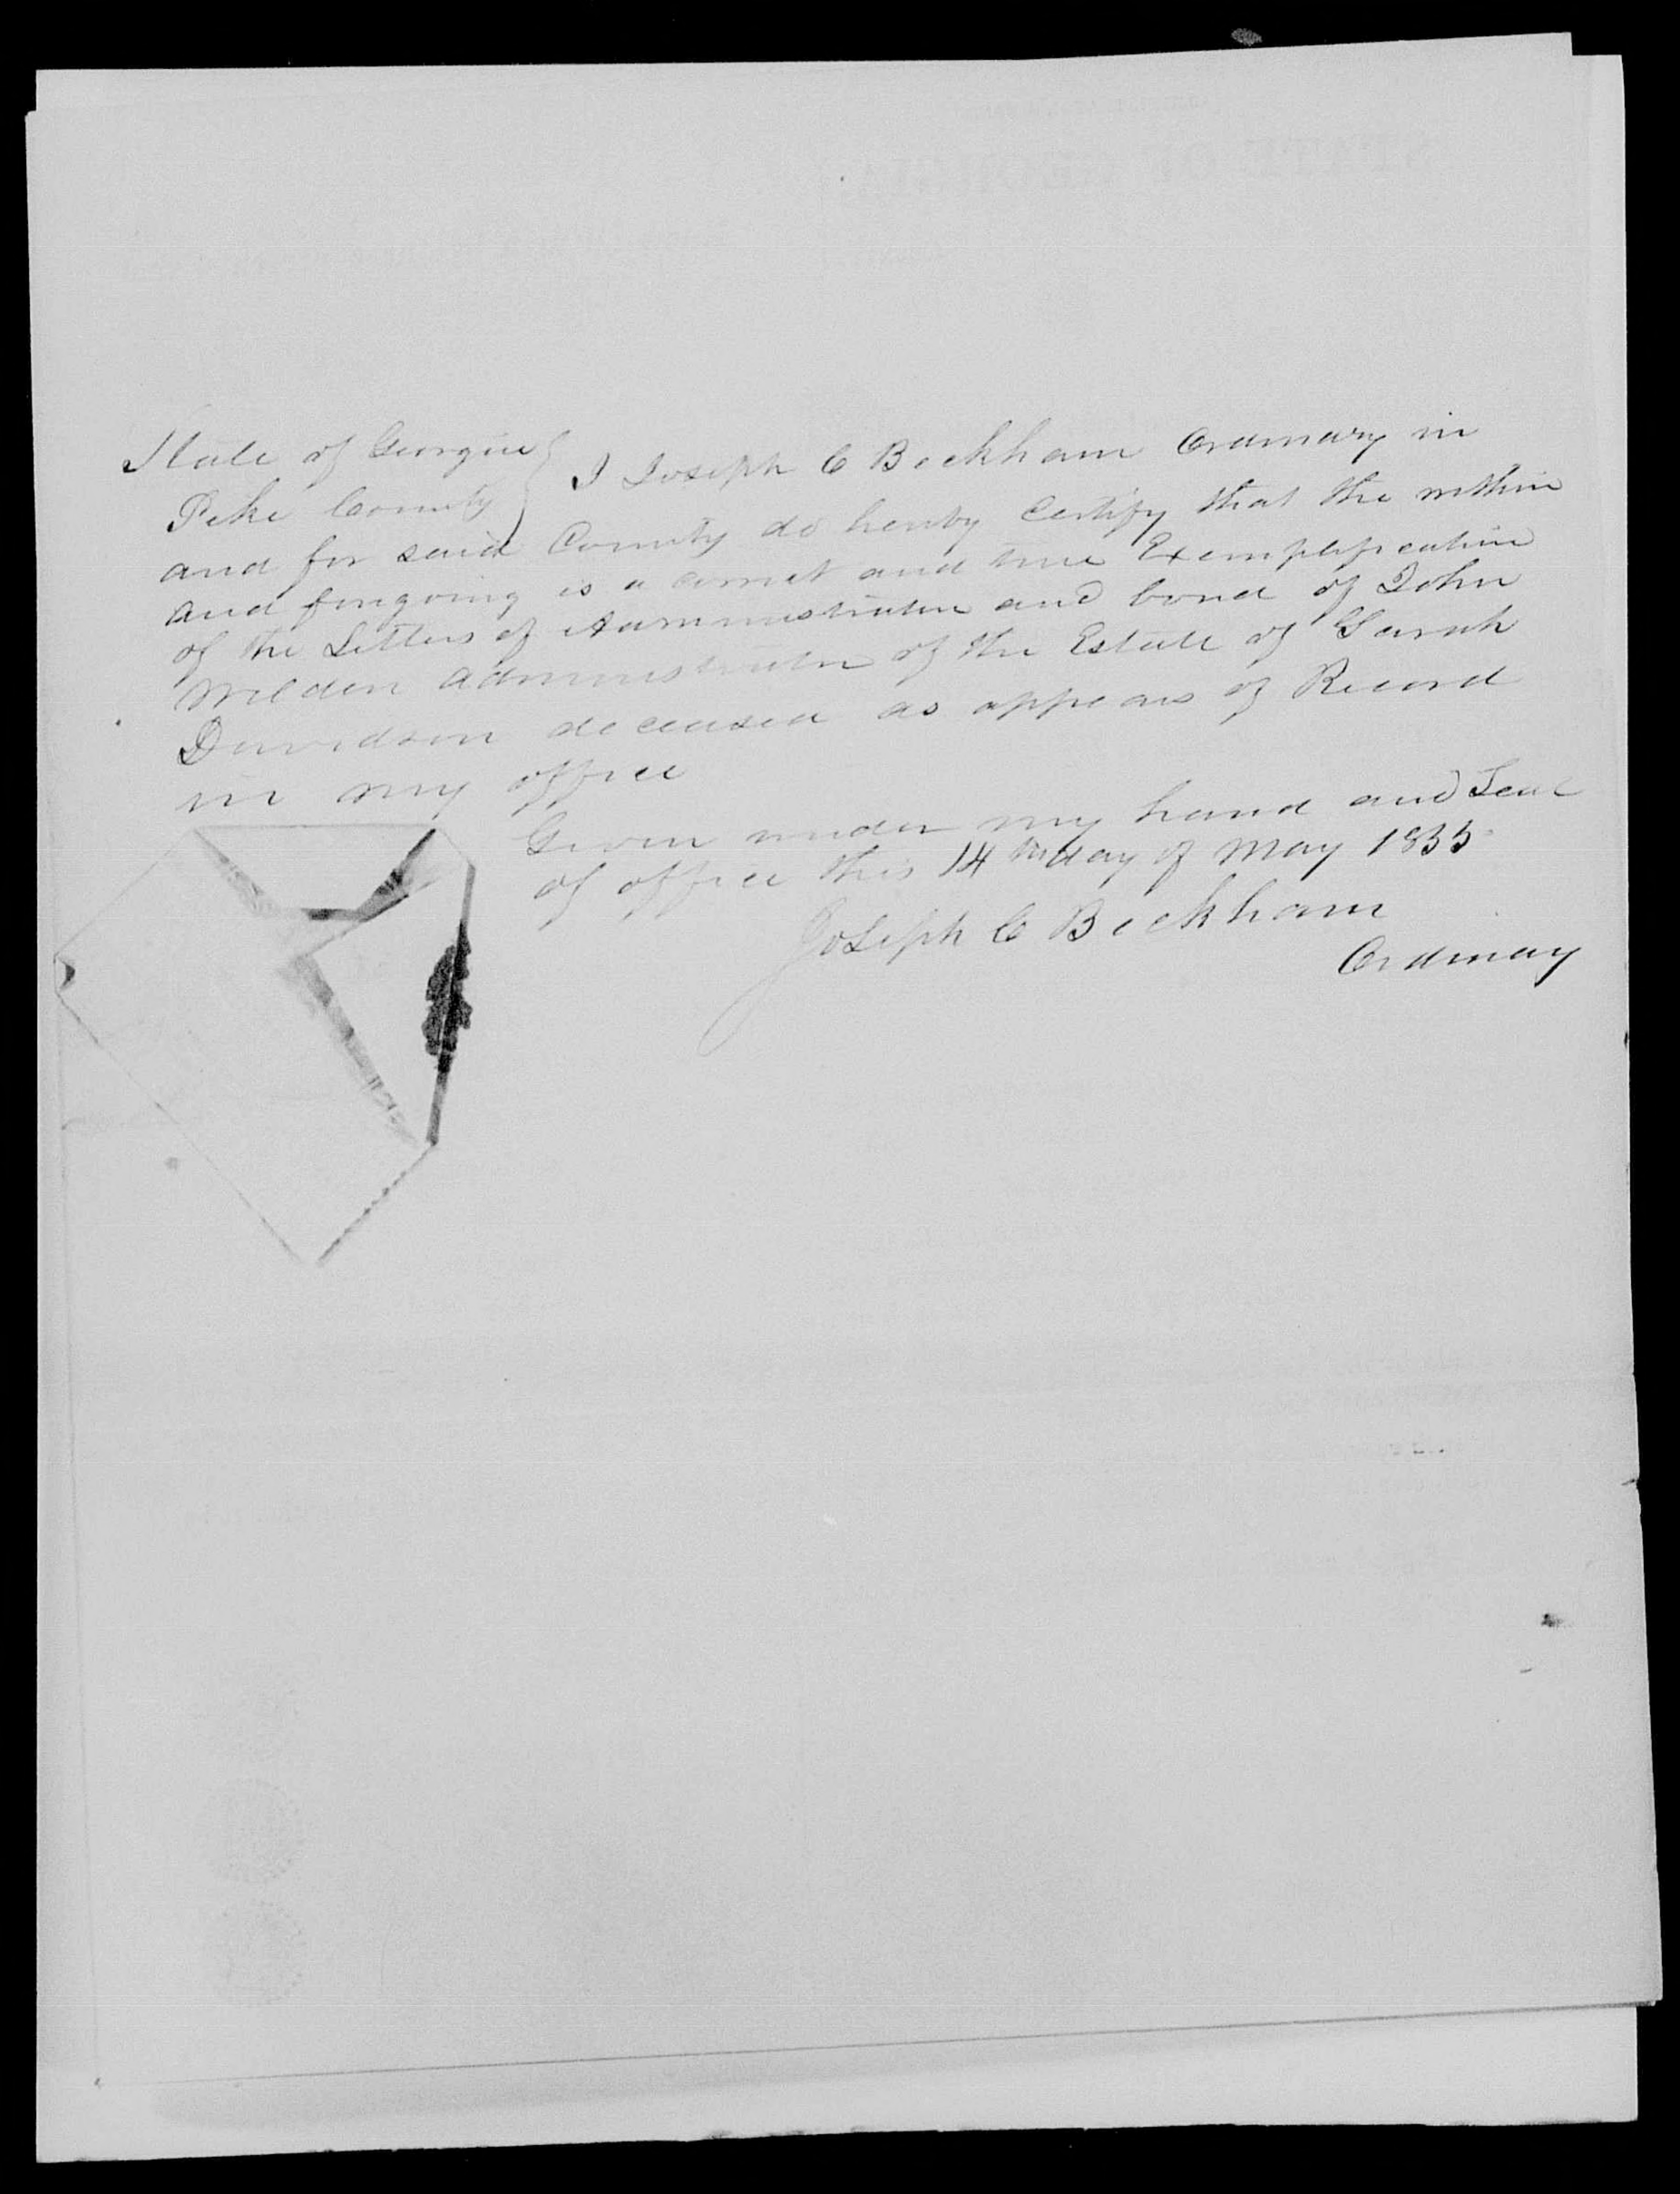State of Georgia
Pike County 
I Joseph C Beckham Ordinary in and for said county do hereby certify that the within and foregoing is arrest and true Exemplification of the Letters of Admistrate and bond of John
Welden administrator of the Estate of Sarah Davidson deceased as appears of Record in my office
Given under my hand and seal
of office this 14th day of May 1835
Joseph C Bickham
Ordinary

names: John Weldon, Joseph C Beckham, Joseph C Beckham, Sarah Davidson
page: 34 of 63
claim: widow's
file: W. 4175, Joseph Davidson, N.C.